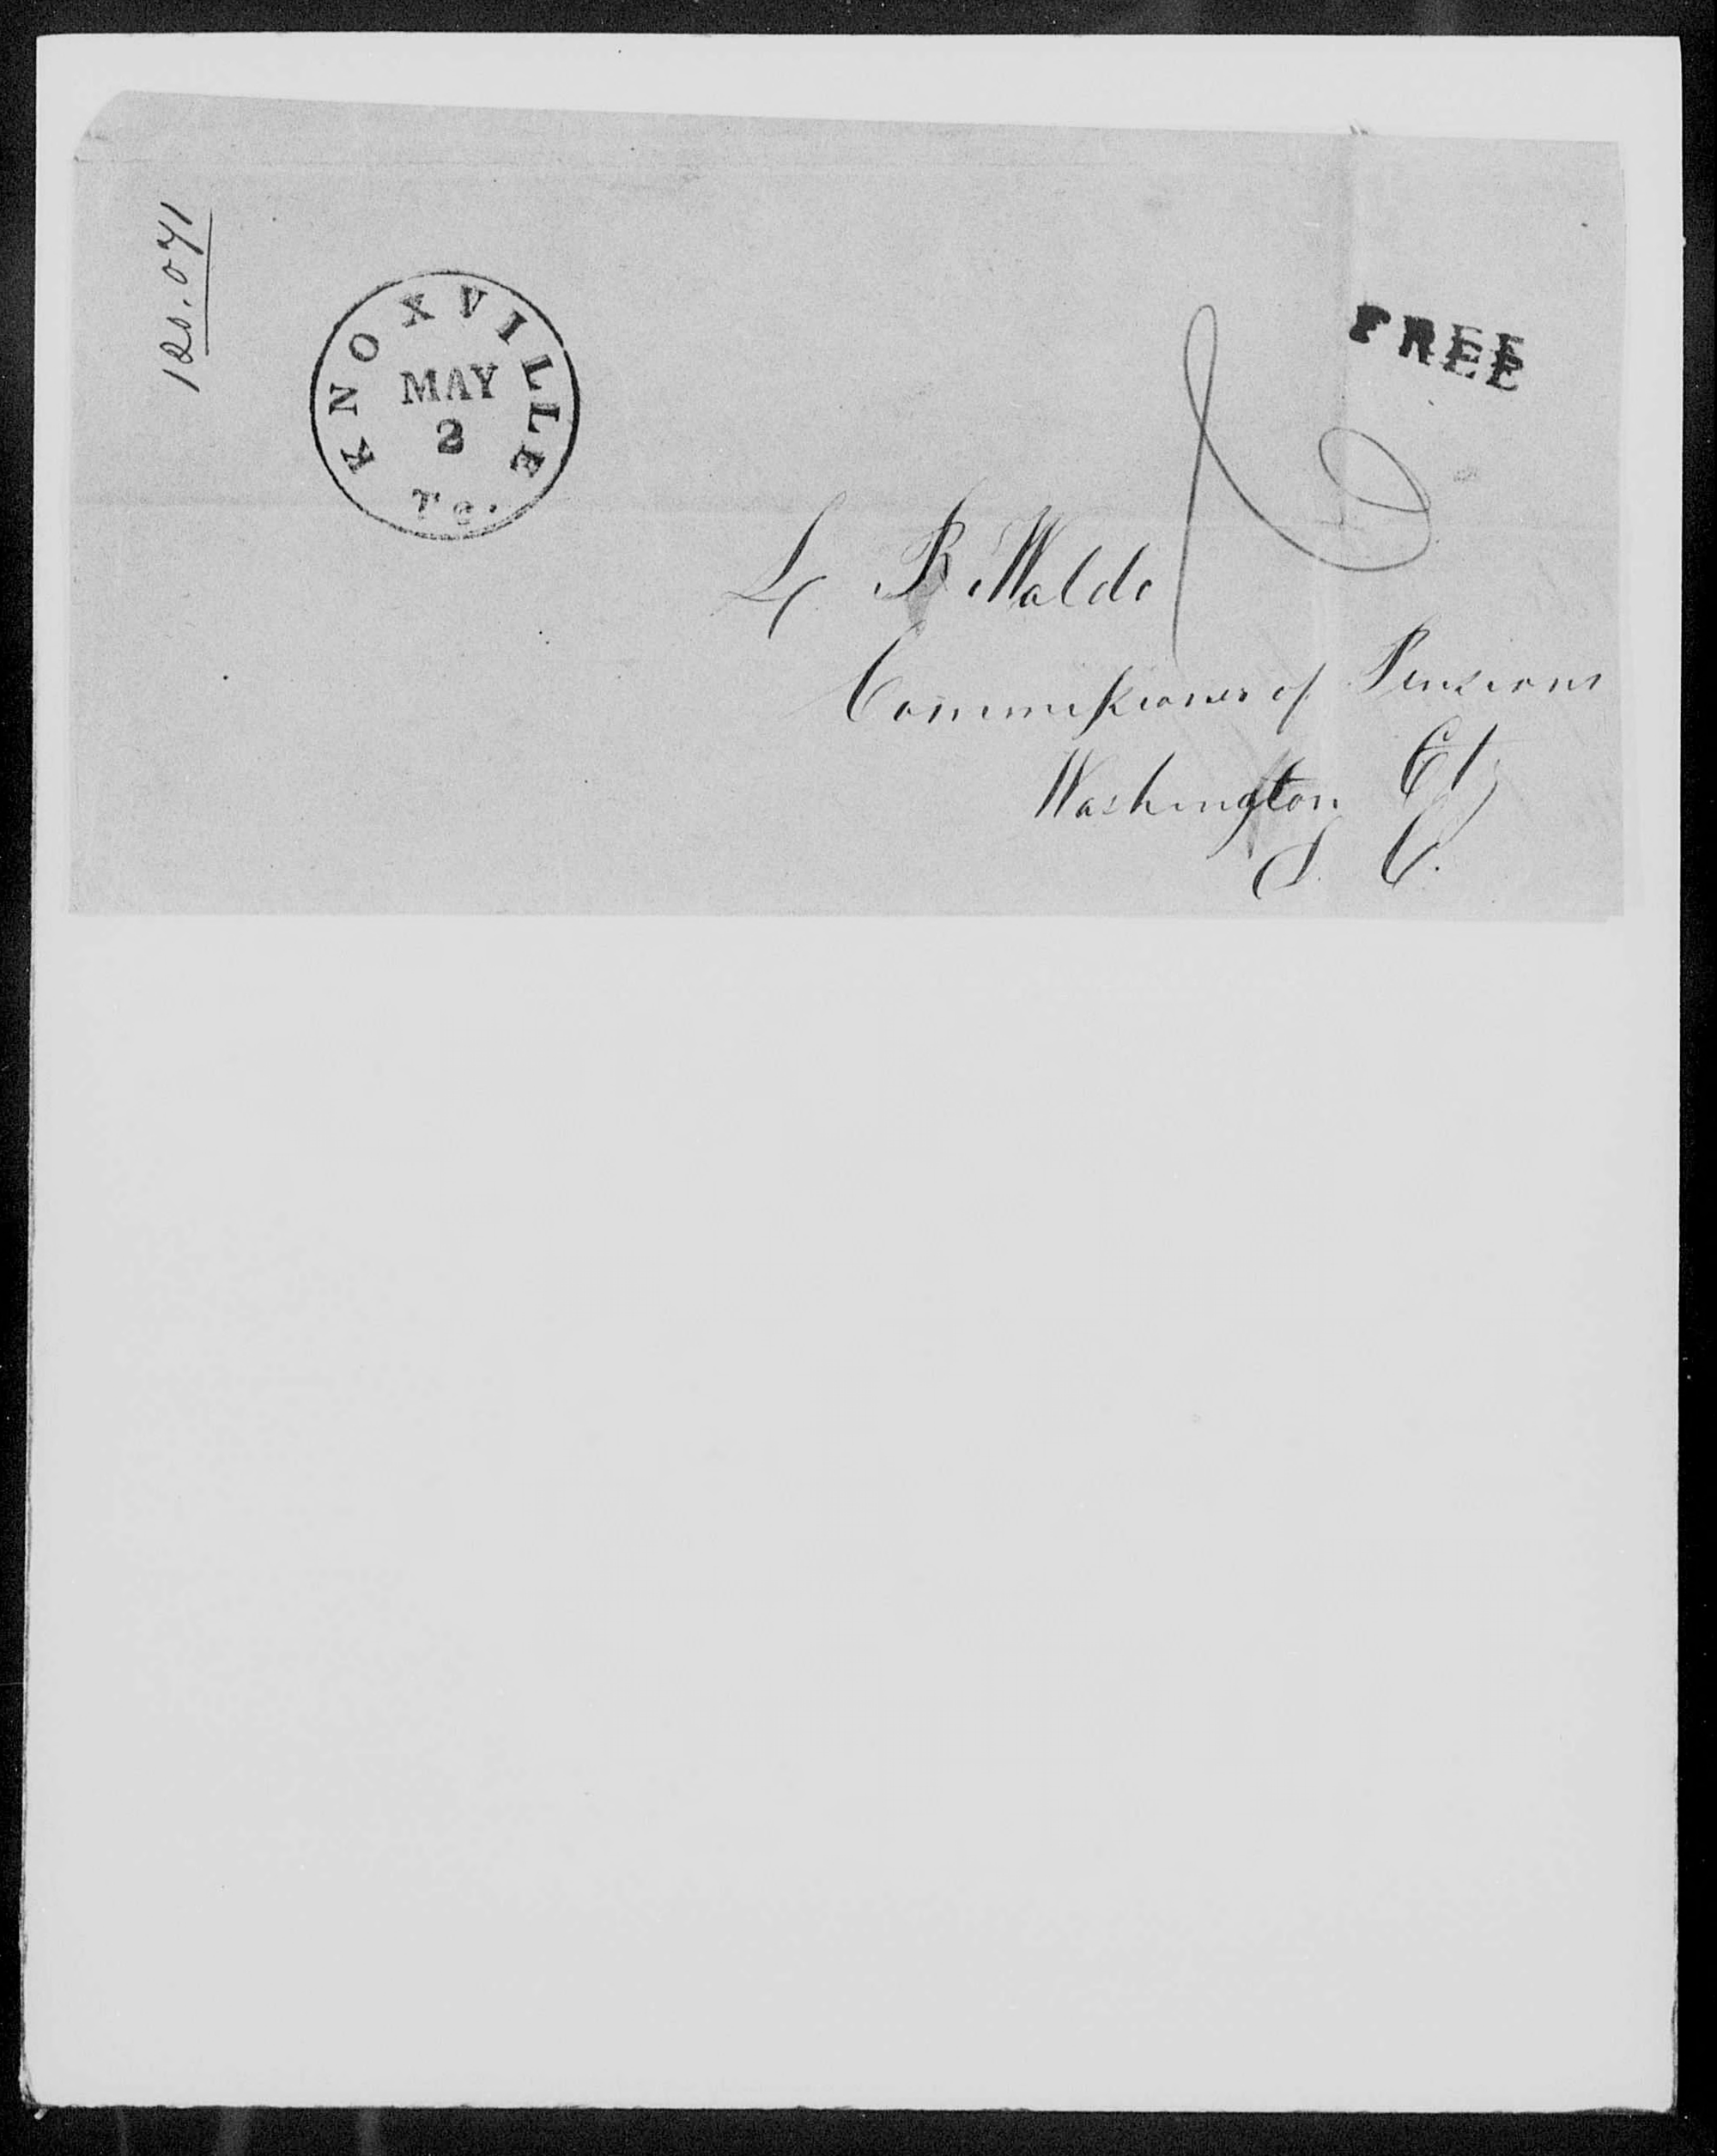120.071
Stamp
KNOXVILLE
MAY
2
T[illegible]
FREE

L . P. Waldo
Commissioner of Pensions 
Washington City 
D.C.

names: L P Waldo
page: 27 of 86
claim: widow's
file: W. 1035, John Hubbs, S.C.